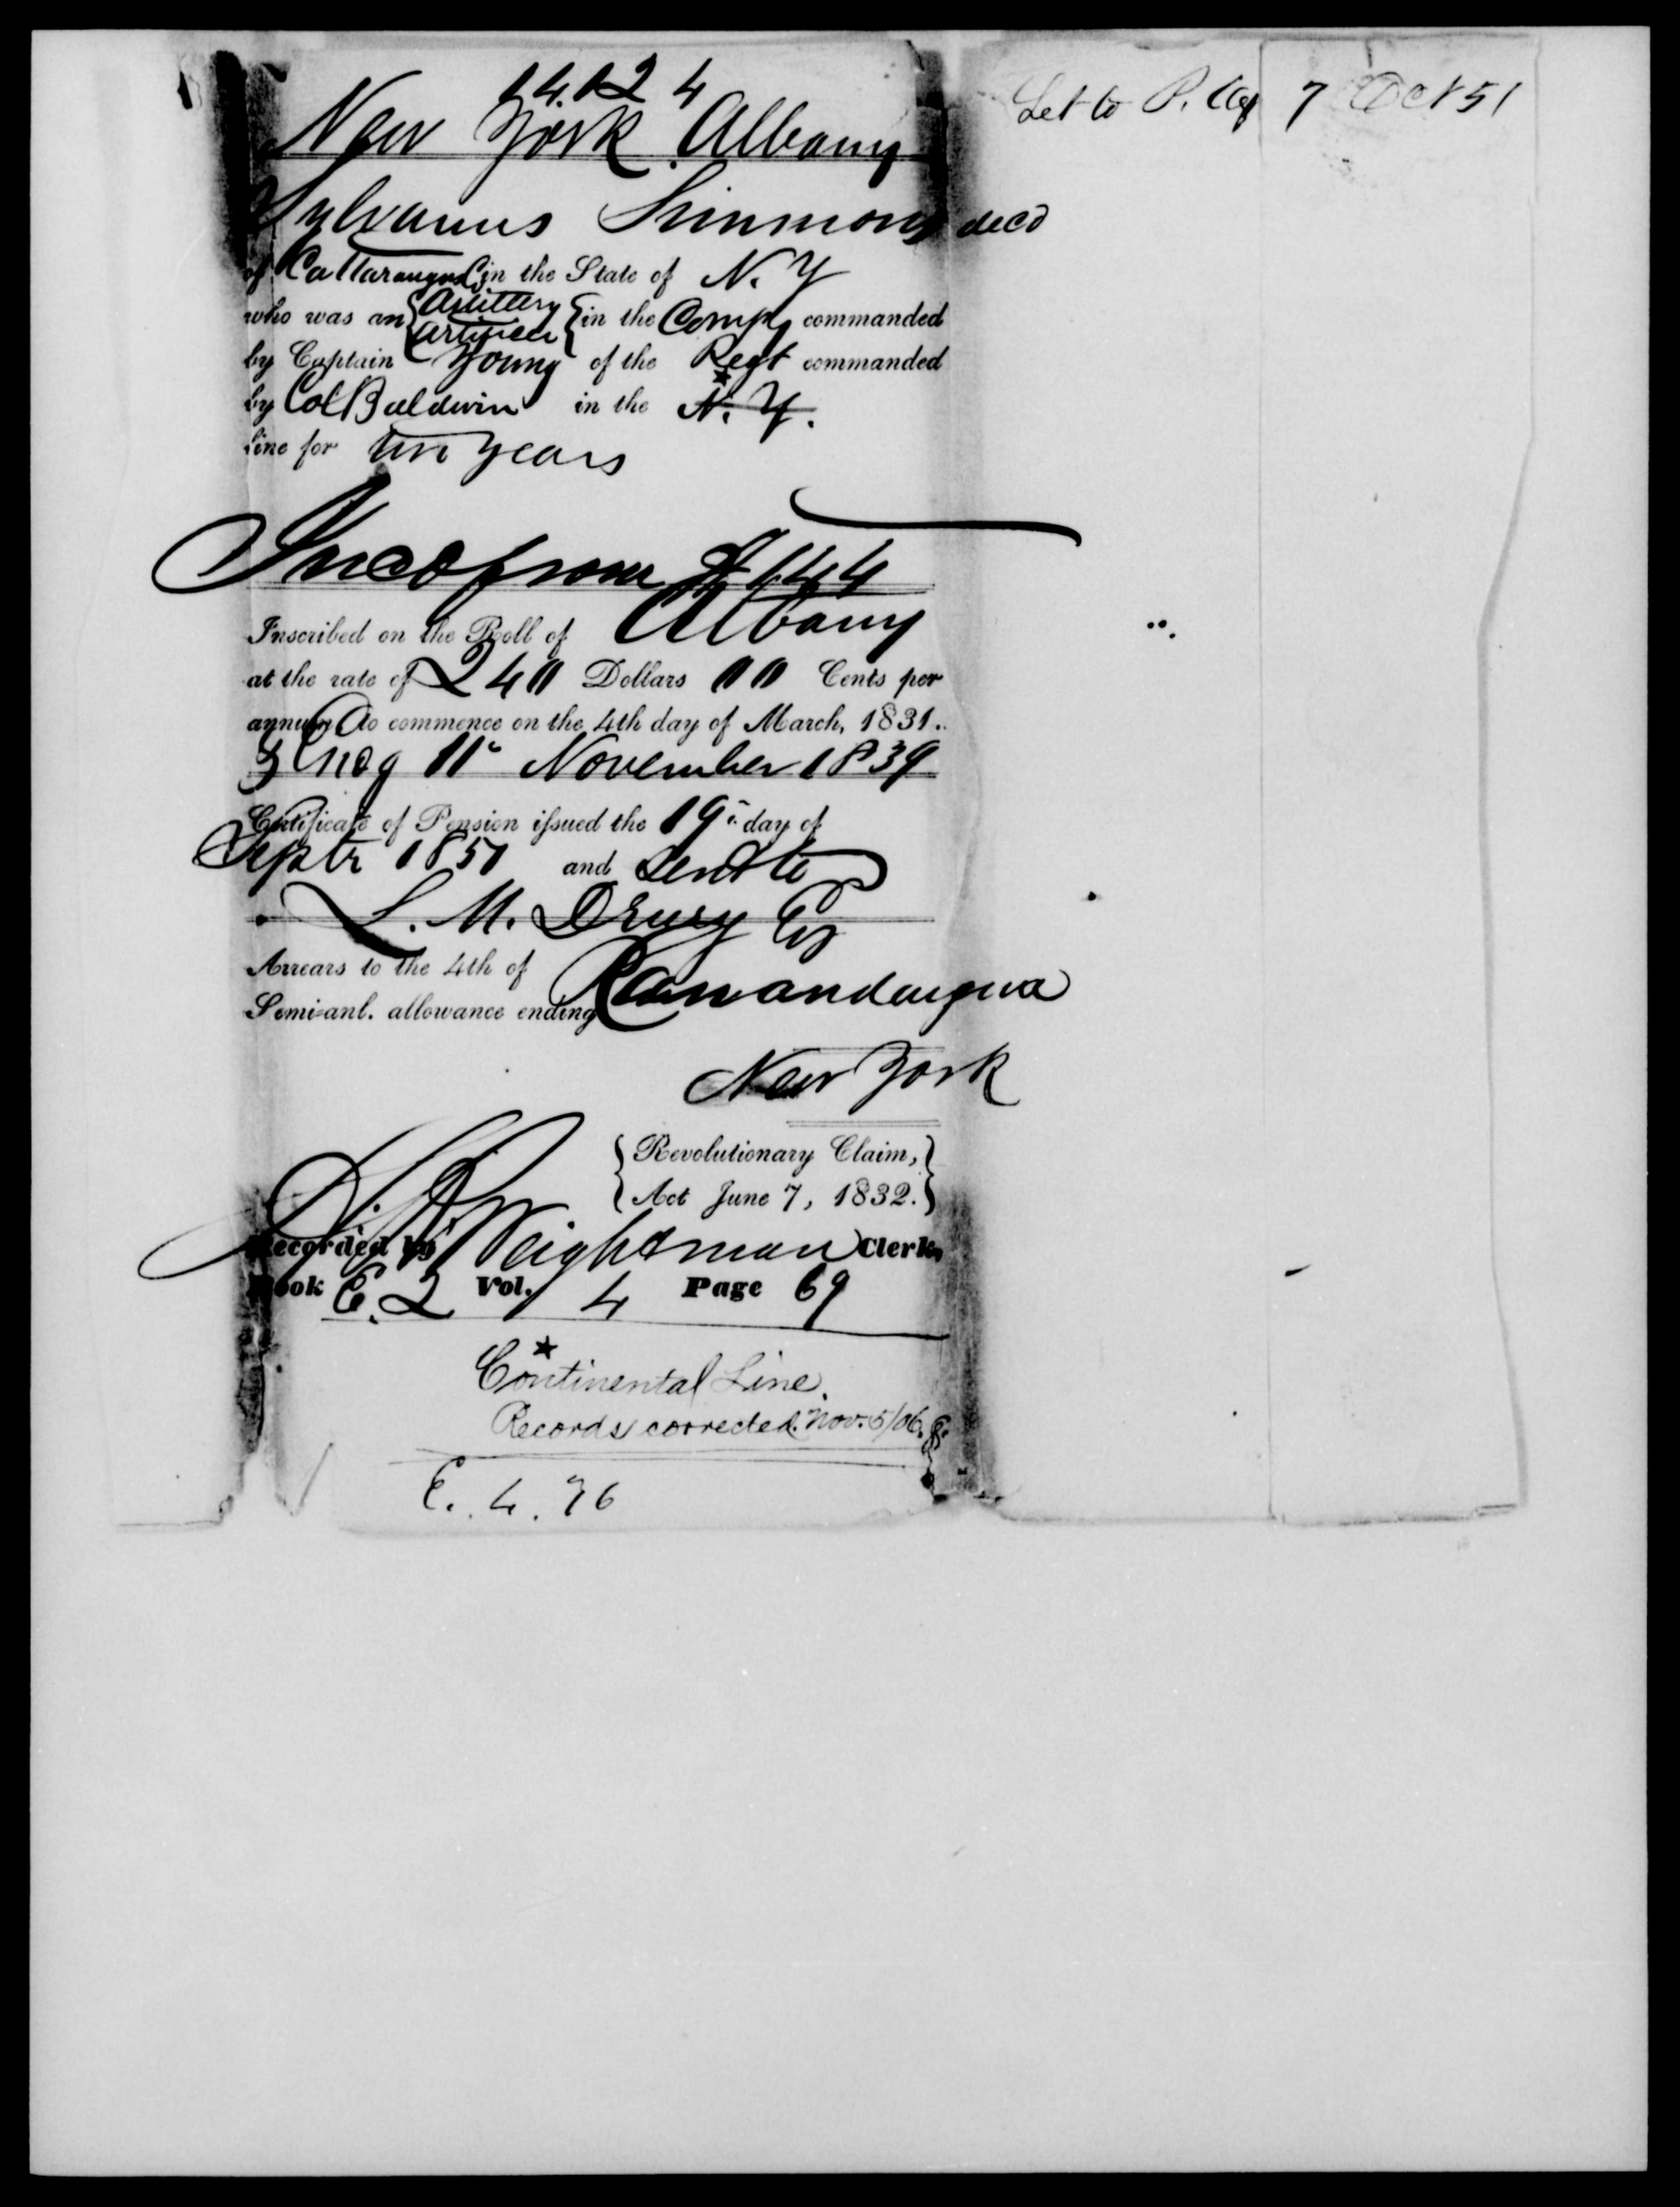14.124
New York Albany
Sylvanus Simmons decd
of Cattaraugus Co. in the State of N.Y.
who was an artillery artificer in the Compy commanded
by Captain Young of the Regt commanded
by Col Baldwin in the N.Y.[crossed out] {starred}
line for two years
Incofrom H144
Inscribed on the Roll of Albany
at the rate of 24 Dollars 0 Cents per
annum to commence on the 4th day of March, 1831.
& endg 11 November 1839
Certificate of Pension issued the 19th day of
Septr 1837 and sent to
L. M. Drury Esq
Arrears to the 4th of Canandaigua
Semi=anl. allowance ending
New York
Revolutionary Claim, ⎬
Act June 7, 1832.
Recorded by H. R. Weightman Clerk,
Book E2  Vol. 4  Page 69
---
{starred}
Continental Line
Records corrected Nov. 5/06
---
E. 4. 76

Let to P. [illegible] 7 Oct 51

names: [BLANK] Young; H R Weightman; [BLANK] Baldwin; L M Drury; Sylvanus Simmons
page: 2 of 31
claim: survivor's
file: S. 14484, for Sylvanus Simmons, New York